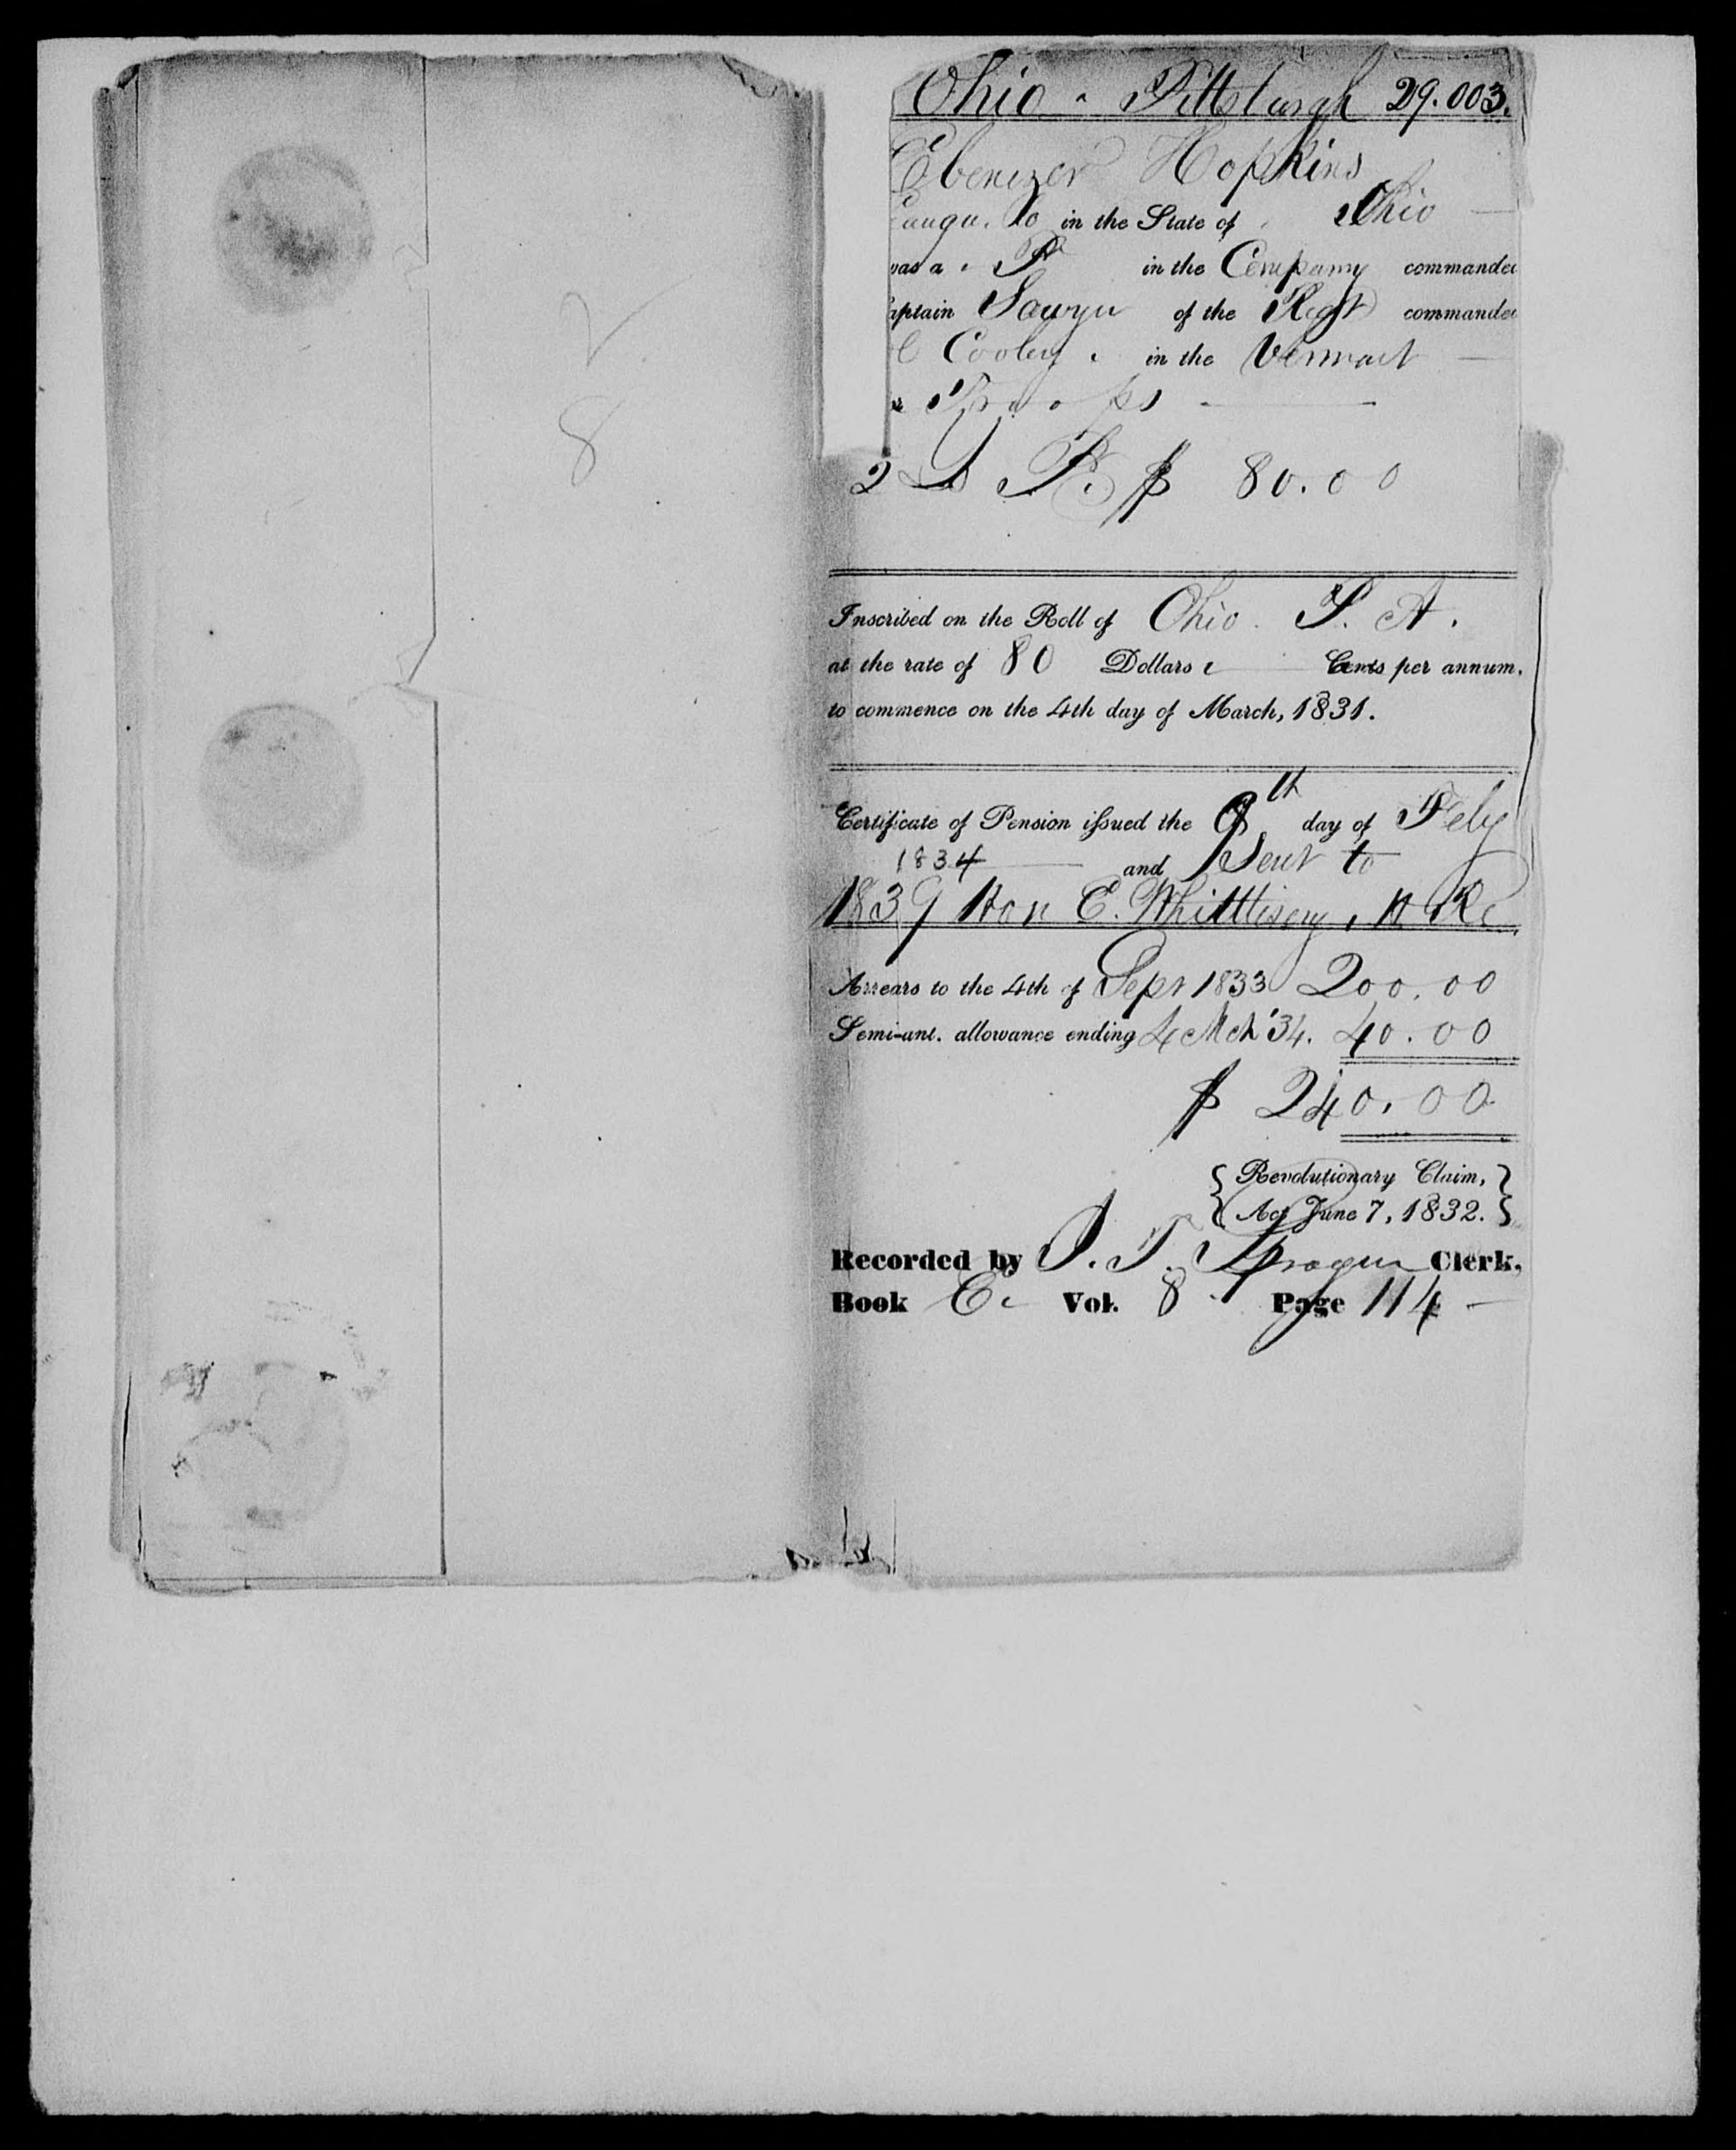2 fold
left side:  blank

Right side:

Ohio Pittsburgh 29.003.
Ebenezer Hopkins
Geaugu, to in the State of Ohio
was a prvt in the Company commanded [torn]
Captain Sawyer of the Regt commander [torn]
Genl Cooley in the Vermont
Troops
2 yr py @ $80.00

Inscribed on the Roll of Ohio. P. A.
of the rate of 80 Dollars - Cents per annum
commence on the 4th day of March, 1831.

Certificate of Pension issued the 9th day of Feby
1834 and Sent to
1839 Hon C Whilttisey. H. Re

Arrears to the 4th of Sept 1833  200.00
Semi-anl. allowance ending 4 Mch 34. 40.00

$240.00

{Revolutionary Claim,}
{Act June 7, 1832. ⎬

Recorded by J.T.Sprague Clerk,
Book C  Vol. 8  Page 114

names: J T Spragen, Sawyer, Cooley, E Whittlisey, Ebenezer Hopkins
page: 64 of 144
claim: rejected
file: R. 5208, Dennis Hopkins, N.C.